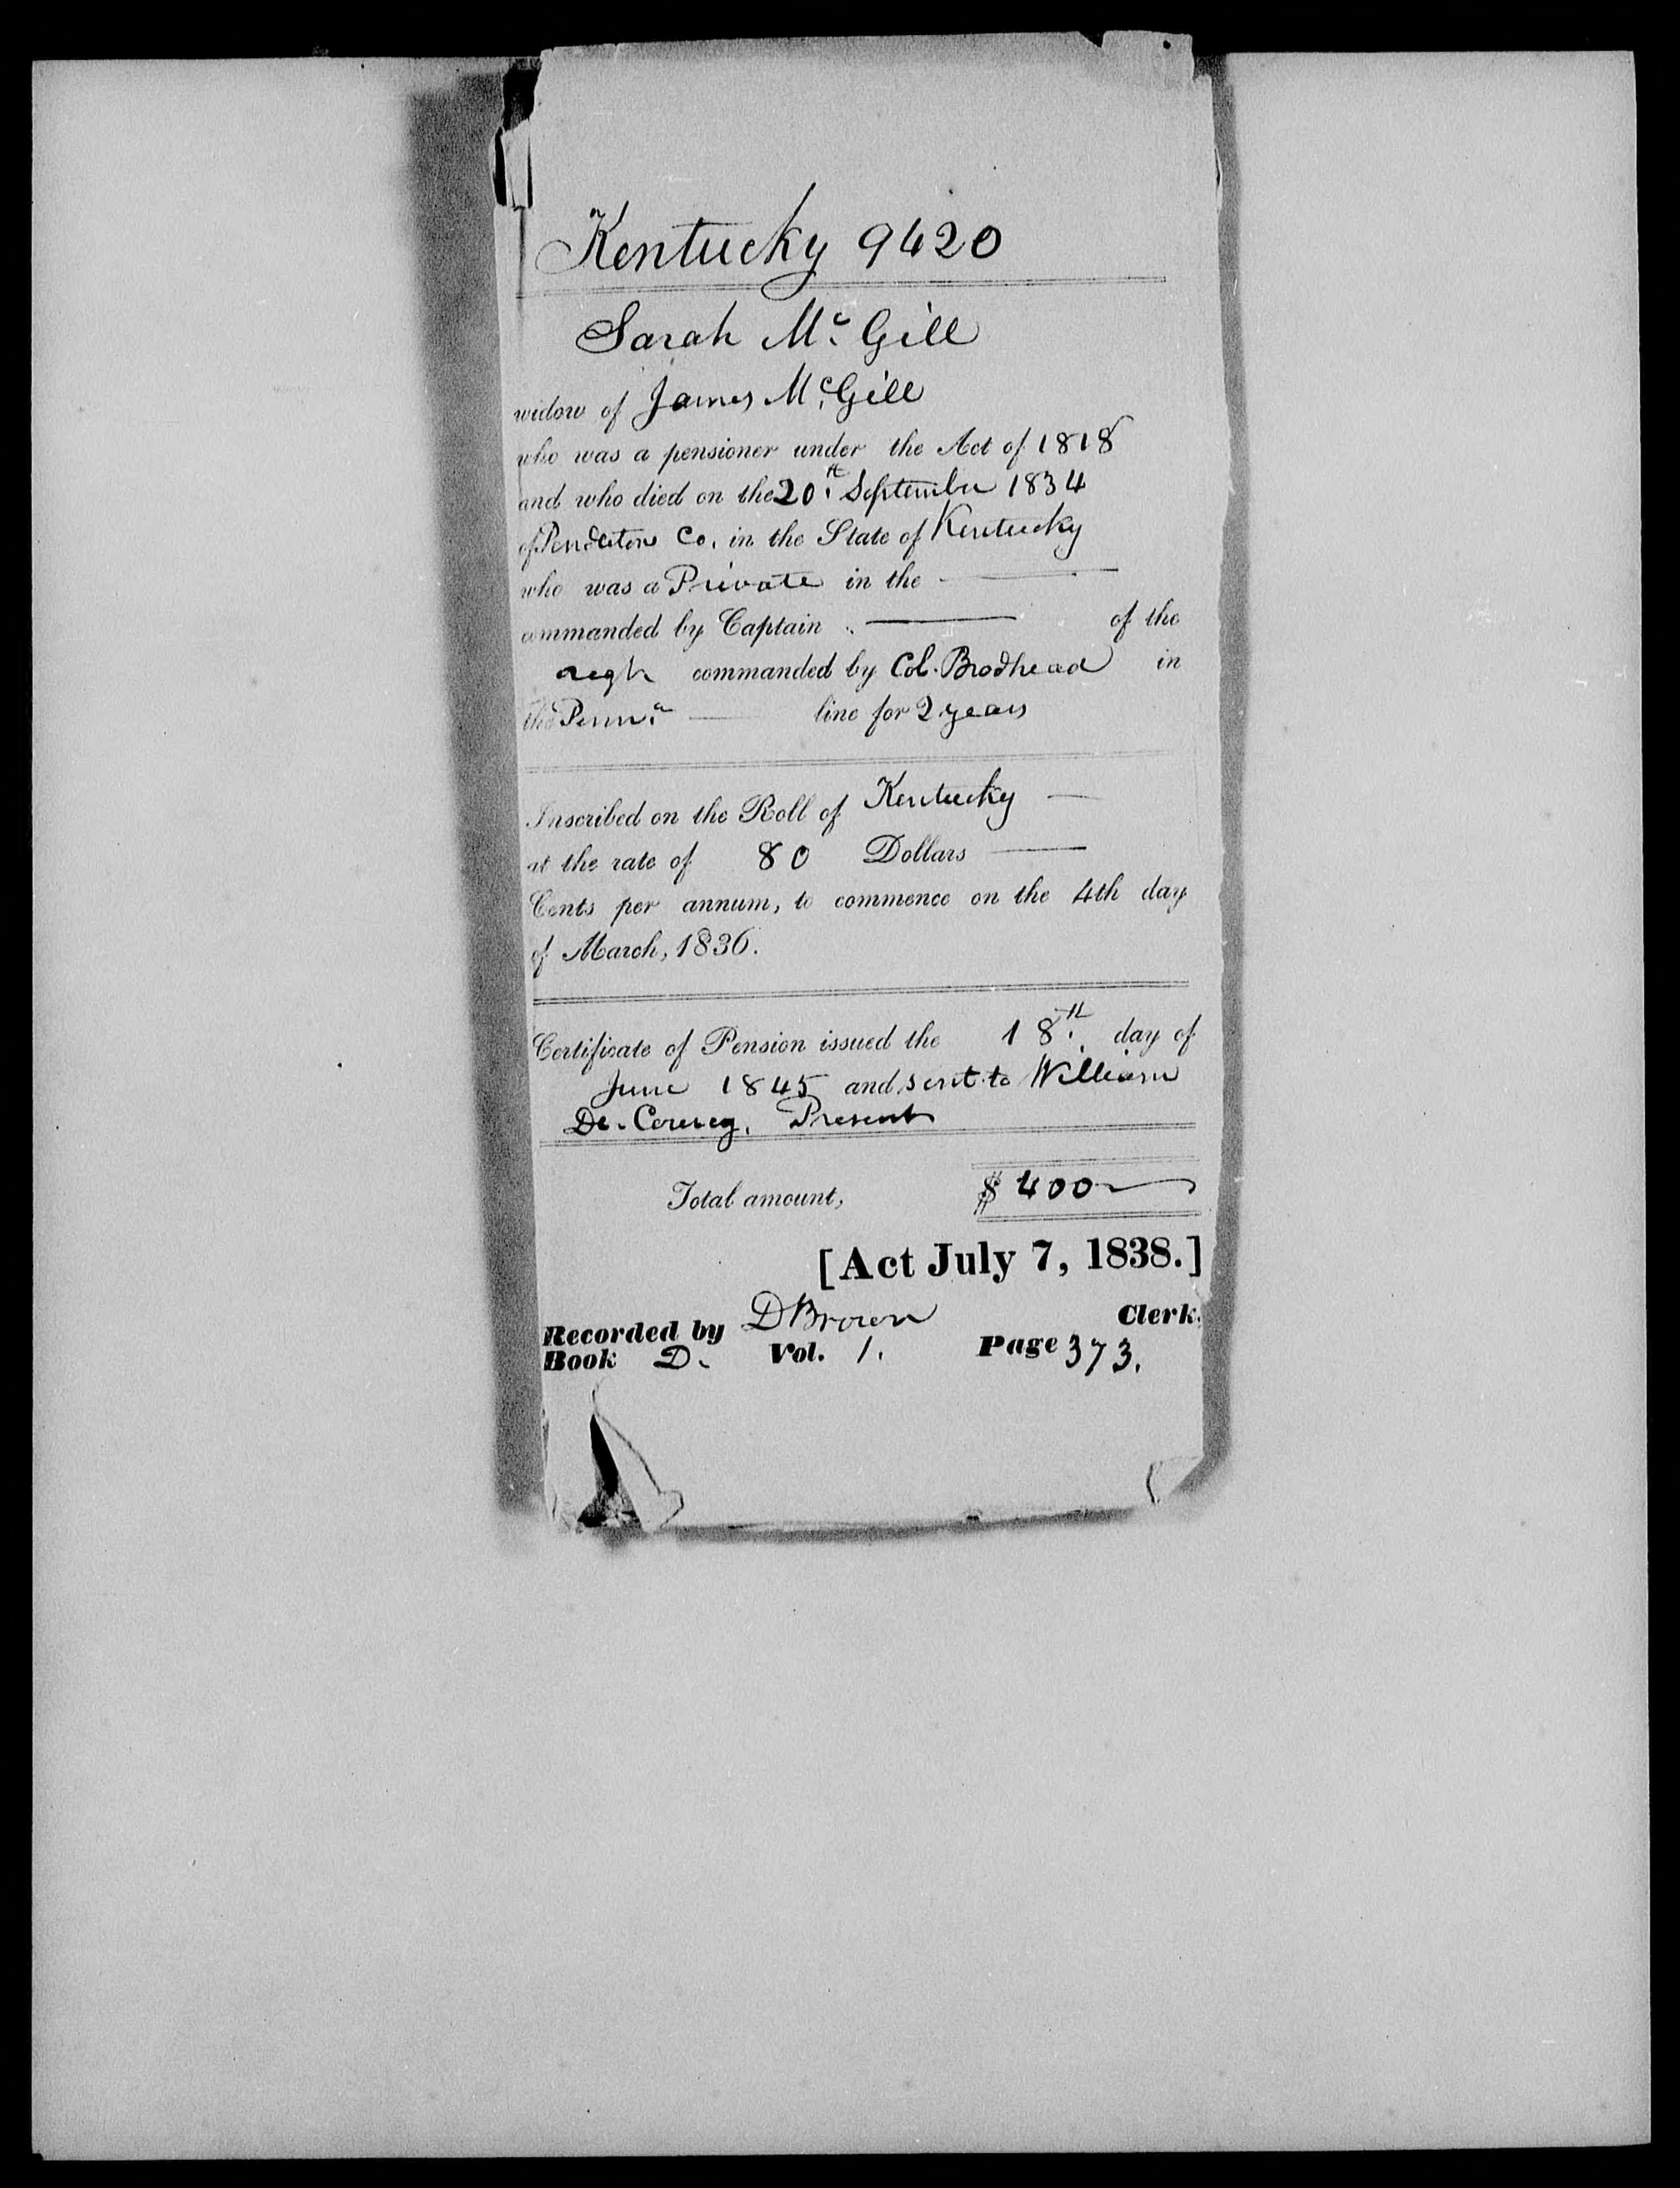Image 84     image  4160873_00084                    Fold3 File #23857250
[Form]
Kentucky 9420  Sarah McGill 
widow of James McGill who was a pensioner under the Act of 1818 and who died on the 20th September 1834 of Pendleton Co. in the State of Kentucky who was a Private in the [blank line] commanded by Captain  [blank line] of the eigh [eighth] commanded by Col. Brodhead in the Penn.a  [blank line] for two years
Inscribed on the Roll of Kentucky at the rate of 80 Dollars ------- Cents per annum, to commence on the 4th day of March, 1836. Certificate of Pension issued the 18th day of June 1845 and sent to William DeCourcy, Present  Total amount, $400
[Act July 7, 1838]  Recorded by D Brown Clerk Book D. Vol 1 Page 373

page: 26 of 71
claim: widow's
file: W. 8428, for James Mc Gill, Pennsylvania